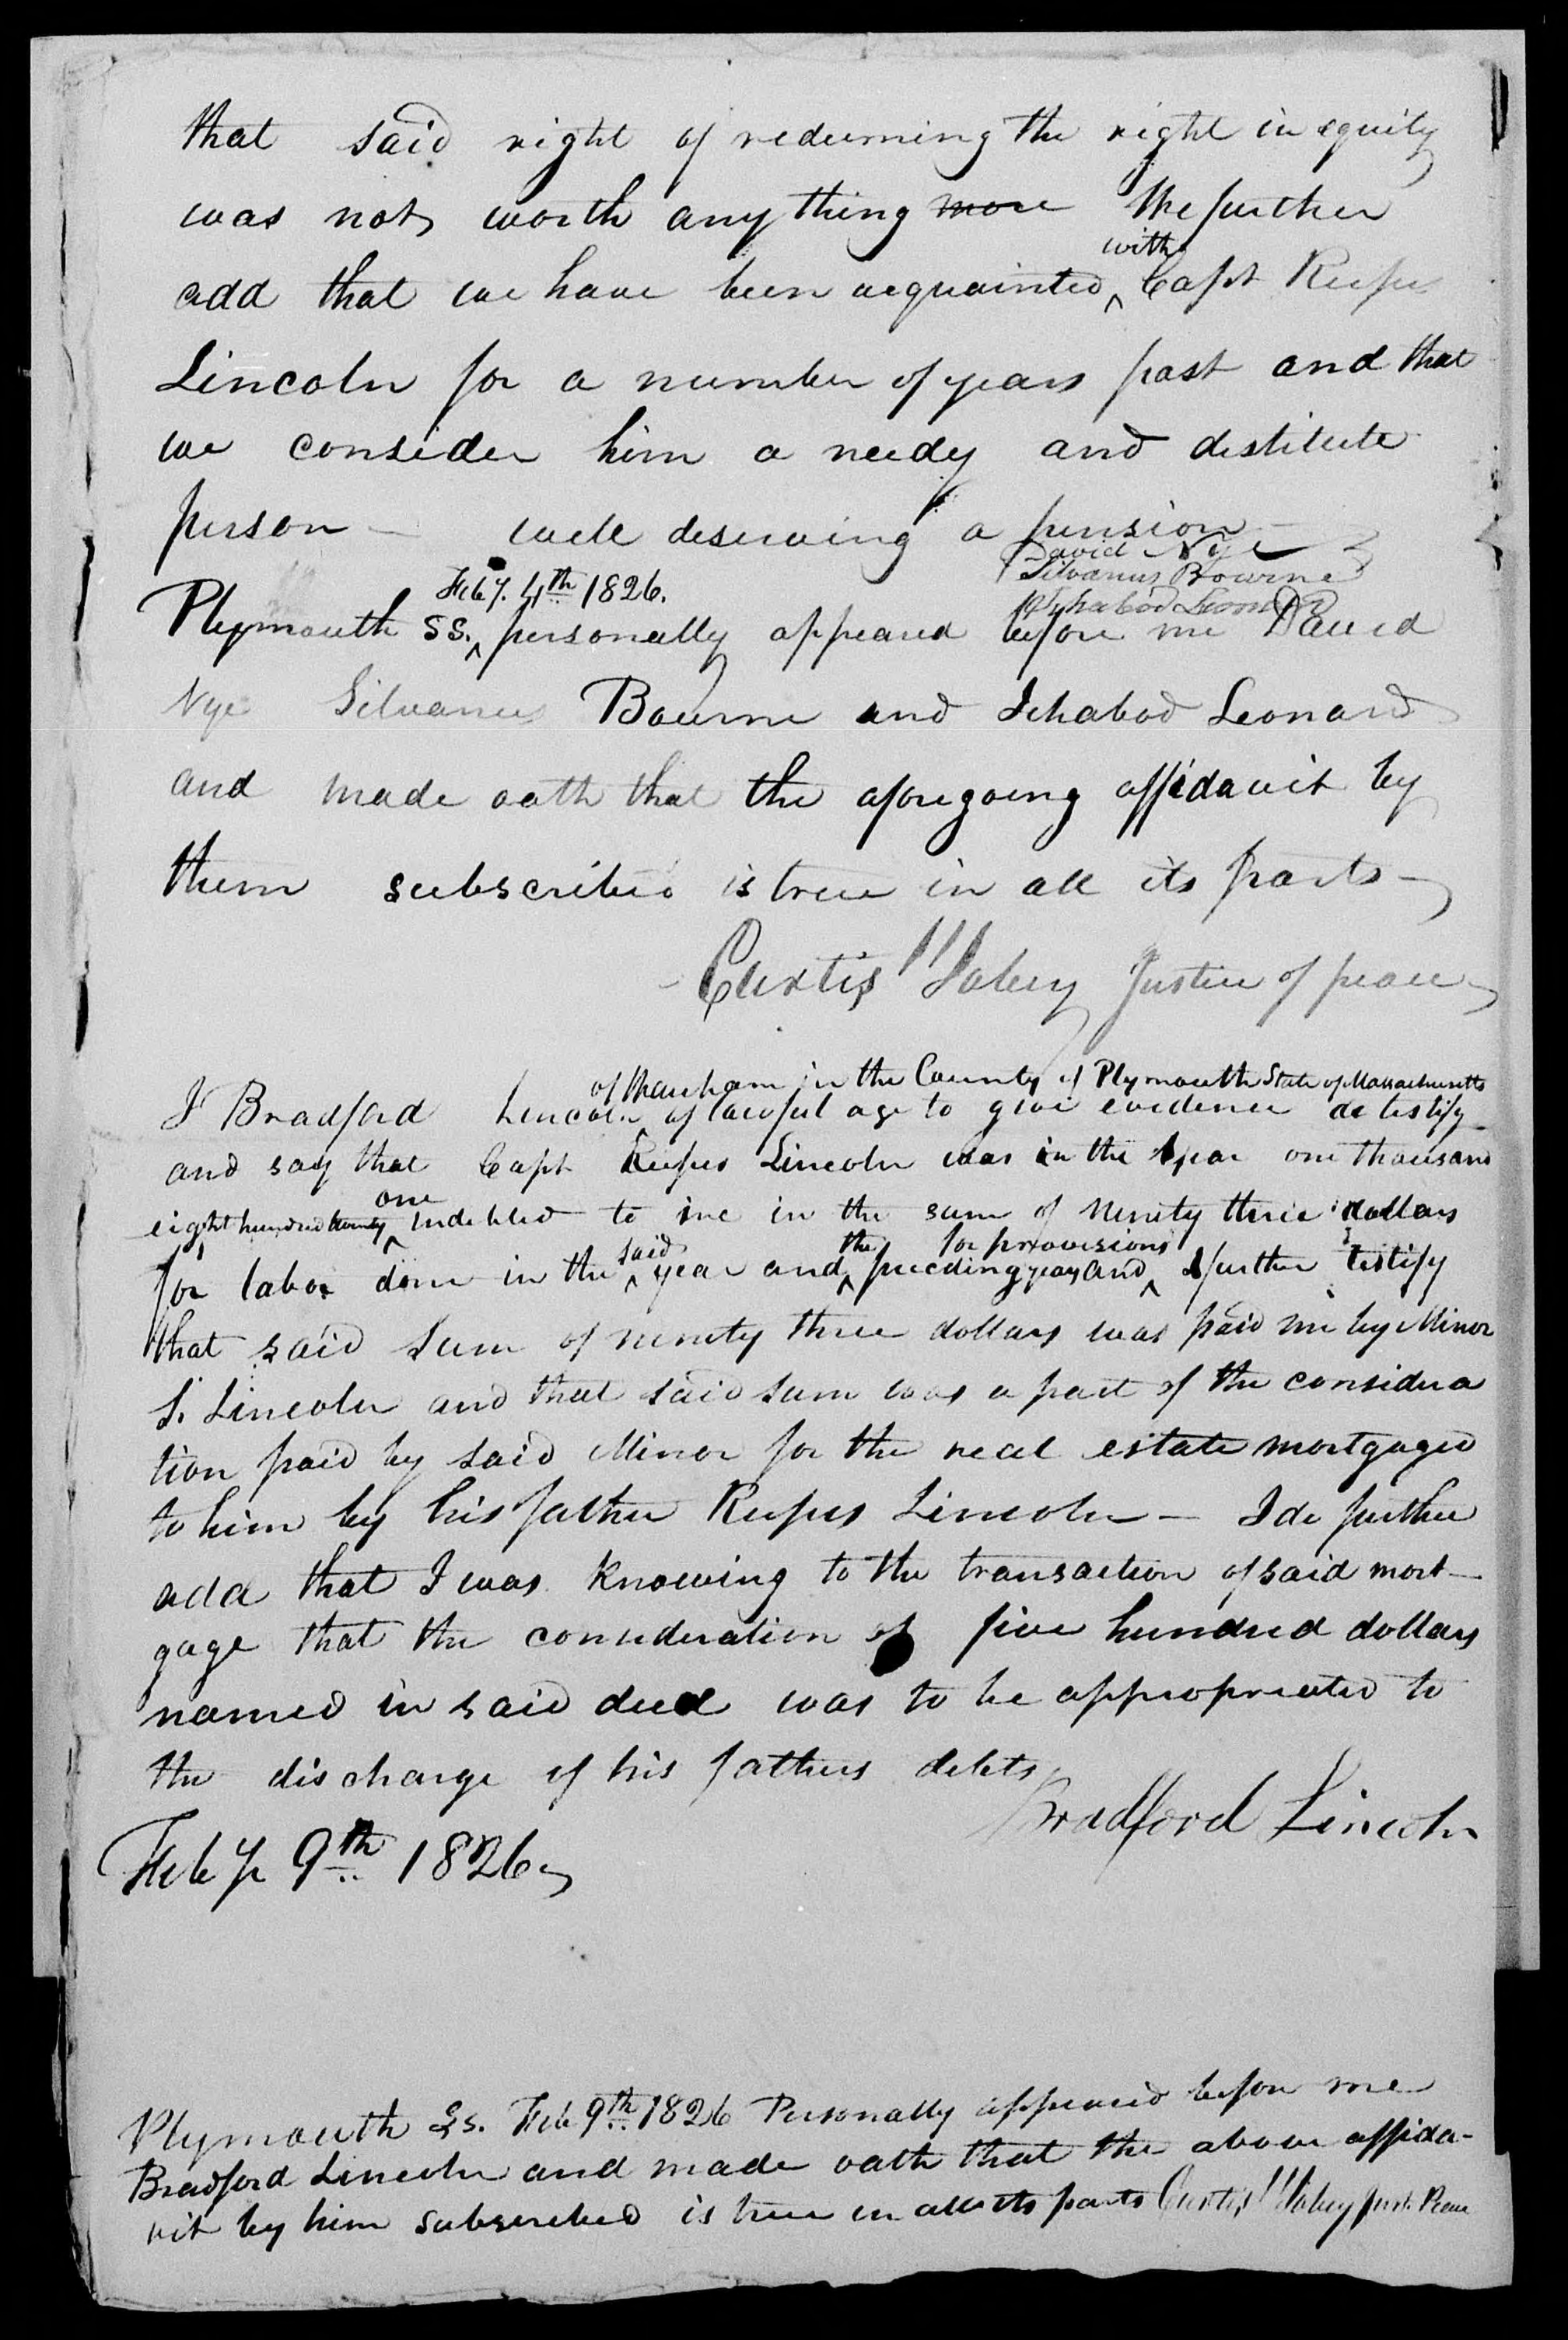that said right of redeeming the right in equity
was not worth anything more We further
add that we have been acquainted with Capt Rufus Lincoln for a number of years past and that we consider him a needy and destitute
person well deserving a pension
Feb. 4th 1826.
David Nye
Silvanus Bourne
Ichabod Leonard  

Plymouth Ss. personally appeared before me David Nye, Silvanus Bourne and Ichabod Leonard and made oath that the aforegoing affidavit by them subscribed is true in all its parts.
Curtis Tobey  Justice of peace

J Bradford Lincoln of Wareham in the County of Plymouth State of Massachusetts of lawful age to give evidence do testify and say that
Capt Rufus Lincoln was in the year one thousand eight hundred and twenty one
indebted to me in the sum of ninety three dollars for labor done in the said year and the preceding year and for provisions-
I further testify that said sum of ninety three dollars was paid me by Minor S. Lincoln and that said sum was a part of the consideration paid by said Minor for the real estate mortgaged to him by his father Rufus Lincoln -
I do further add that I was knowing to the transaction of said mortgage that the consideration of five hundred dollars named in said deed was to be appropriated to the discharge of his fathers debts-
Bradford Lincoln
Feby 9th 1826
Plymouth Ss. Feb 9th 1826 Personally appeared before me Bradford Lincoln and made oath that the above affidavit by him subscribed is true in all its parts 
Curtis Tobey  Just. Peace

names: David Nye; Silvanus Baurne; Bradford Lincoln; Rufus Lincoln; Minor S Lincoln; Ichabod Leonard; Curtis Tobey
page: 72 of 82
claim: widow's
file: W. 13,634, for Rufus Lincoln, Massachusetts